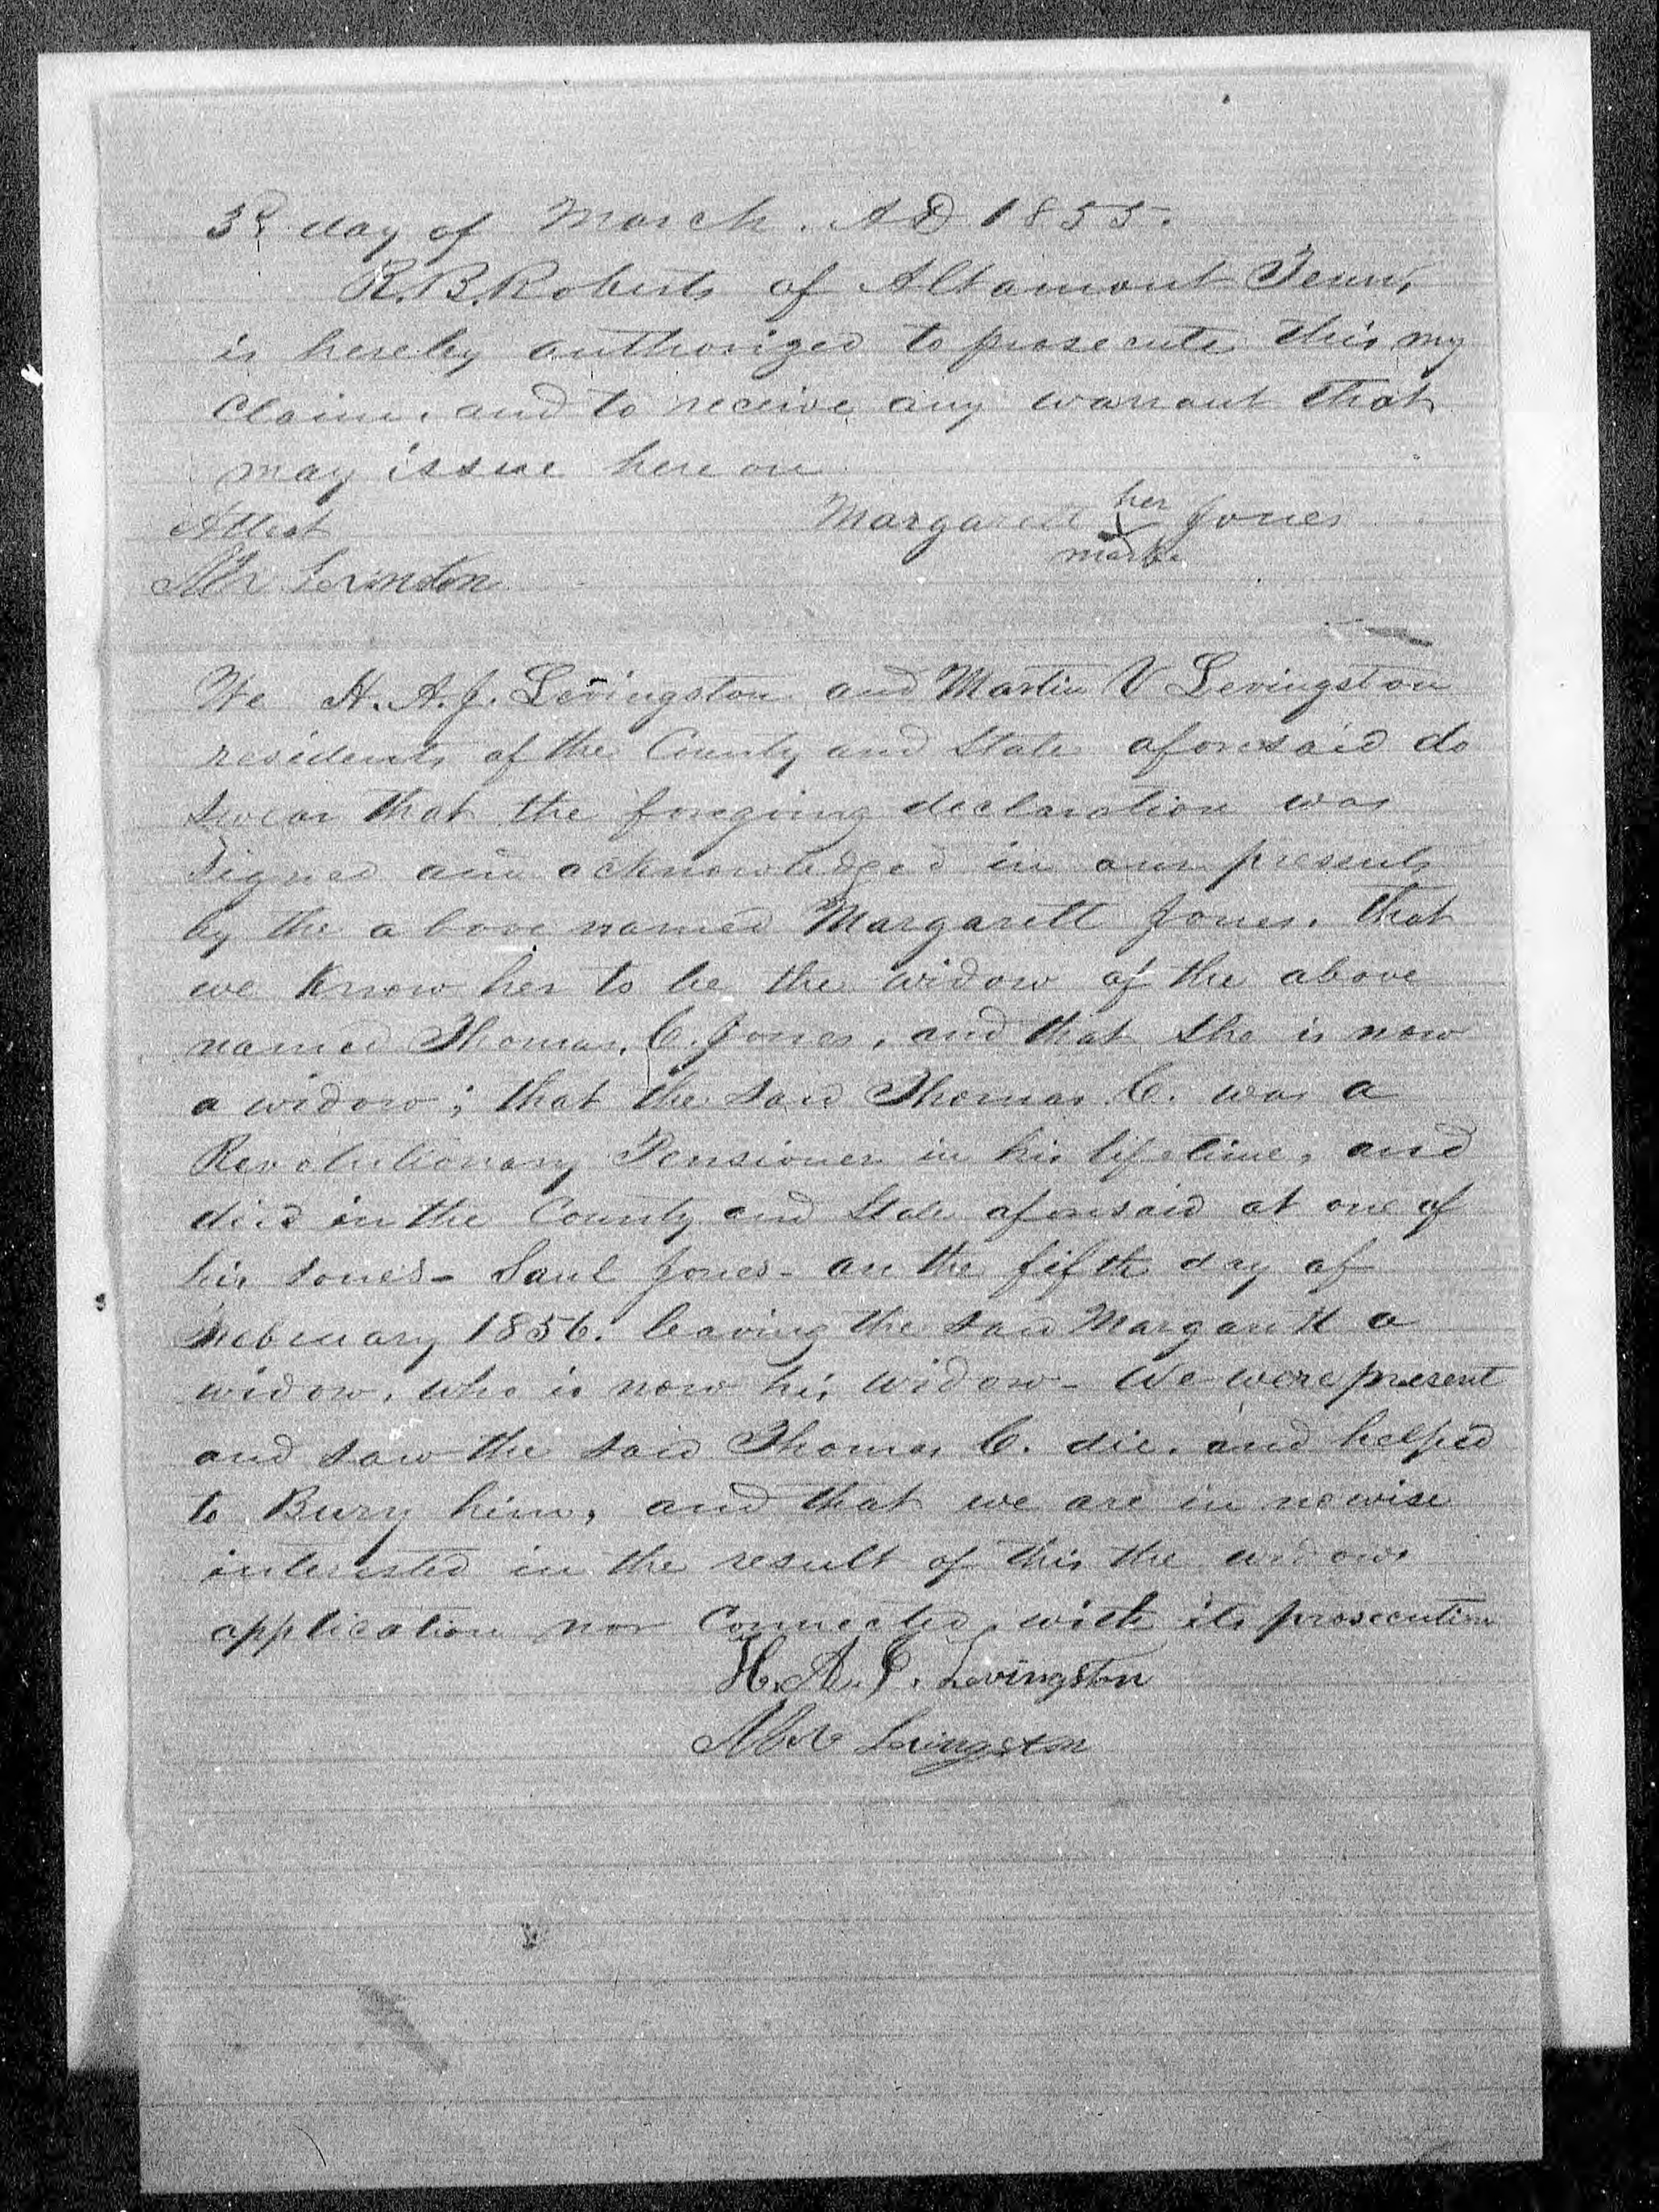3rd day of March A.D. 1855.
R.B. Roberts of Altamont Tenn.
is hereby authorized to prosecute this my
claim, and to receive any warrant that 
may issue here on
Attest                   Margaret Jones
A J Livingston            her mark

We H.A.J. Livingston and Martin V Livingston
residents of the County and State aforesaid do
swear that the foregoing declaration was 
signed and acknowledged in our presents
by the above named Margarett Jones. that 
we know her to be the widow of the above
named Thomas C. Jones, and that she is now
a widow; that the said Thomas C. was a 
Revolutionary Pensioner in his lifetime, and
died in the County and State aforesaid at one of 
his sones [son's] Saul Jones on the fifth day of 
February 1856. leaving the said Margarett a 
widow, who is now his widow.  We were present
and saw the said Thomas C. die and helped
to bury him, and that we are in no wise
interested in the result of this the widows
application nor connected with its prosecution.
H. A. J. Livingston
M V Livingston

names: Saul Jones; Thomas C Jones; M V Levinston; R B Roberts; H A J Levingston; Margarett Jones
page: 20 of 45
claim: widow's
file: W. 26160, for Thomas C Jones, Georgia